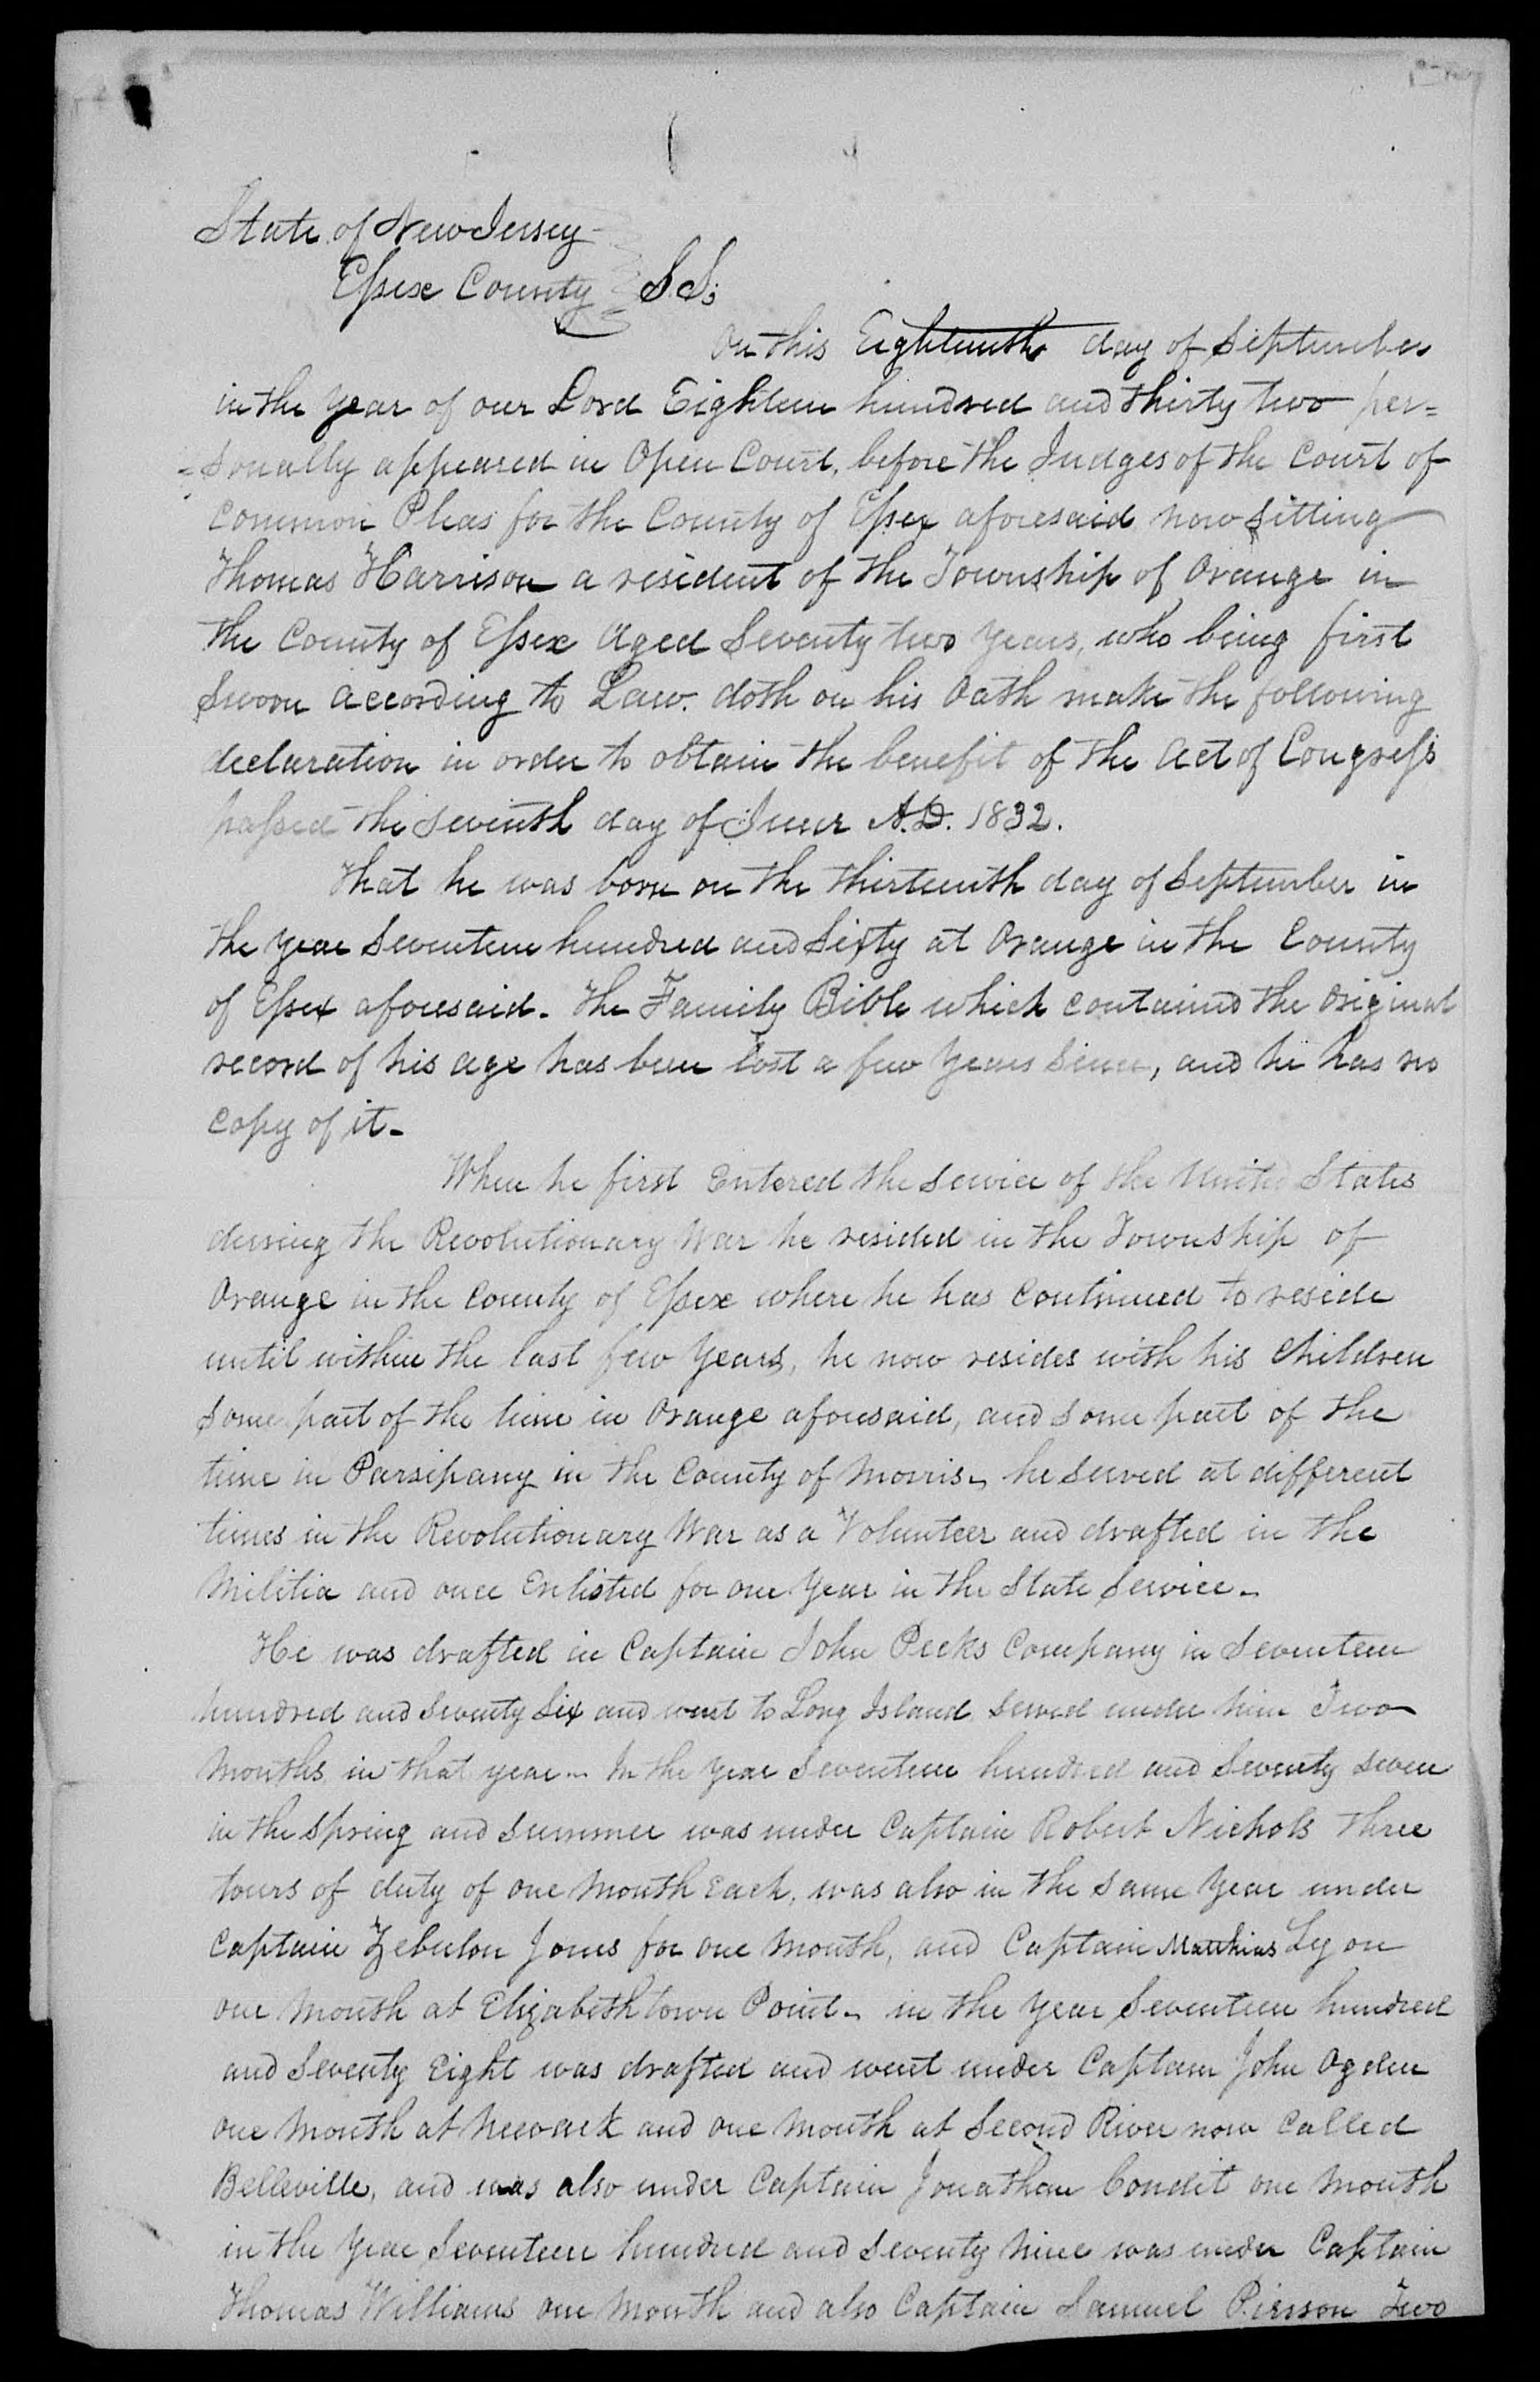State of New Jersey
Essex County SS
On this Eighteenth day of September in the year of our Lord Eighteen hundred and thirty two here I physically appeared in Open Court before the Judges of the Court of Common Pleas for the County of Essex aforesaid now sitting Thomas Harrison a resident of the Township of Orange in the County of Essex aged Seventy two years, who being first Sworn according to law, doth on his oath make the following declaration in order to obtain the benefit of the Act of Congress passed the Seventh day of June A.D. 1832. 

That he was born on the thirteenth day of September in the year Seventeen hundred and Sixty at Orange in the County of Essex aforesaid. The Family Bible which contains the original record of his age has been lost a few years since, and he has no copy of it.

When he first entered the service of the United States during the Revolutionary War he resided in the Township of Orange in the County of Essex where he has continued to reside until within the last few years, he now resides with his children some part of the time in Orange aforesaid, and some part of the time in Parsipany in the County of Morris, he served at different times in the Revolutionary War as a Volunteer and drafted in the Militia and once Enlisted for one year in the State Service. 

He was drafted in Captain John Pecks Company in Seventeen hundred and Seventy Six and went to Long Island Service served under him two months in that year. In the year Seventeen hundred and Seventy Seven in the Spring and Summer was under Captain Robert Nichols three tours of duty of one month each, was also in the same year under Captain Zebulon Jones for one month and Captain Matthias Lyon one month at Elizabethtown Point in the year Seventeen hundred and Seventy Eight was drafted and went under Captain John [illegible] one month at Newark and one month at Second River now called Belleville, and was also under Captain Jonathan Condit one month in the year Seventeen hundred and Seventy Nine was under Captain Thomas Williams one month and also Captain Samuel Pierson two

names: Jonathan Condit, Thomas Harrison, Robert Nichols, Matthias Lyon, Thomas Williams, Zebulon Jones, Samuel Pierson, John Ogden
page: 3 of 15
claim: survivor's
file: S. 883, Thomas Harrison, New Jersey